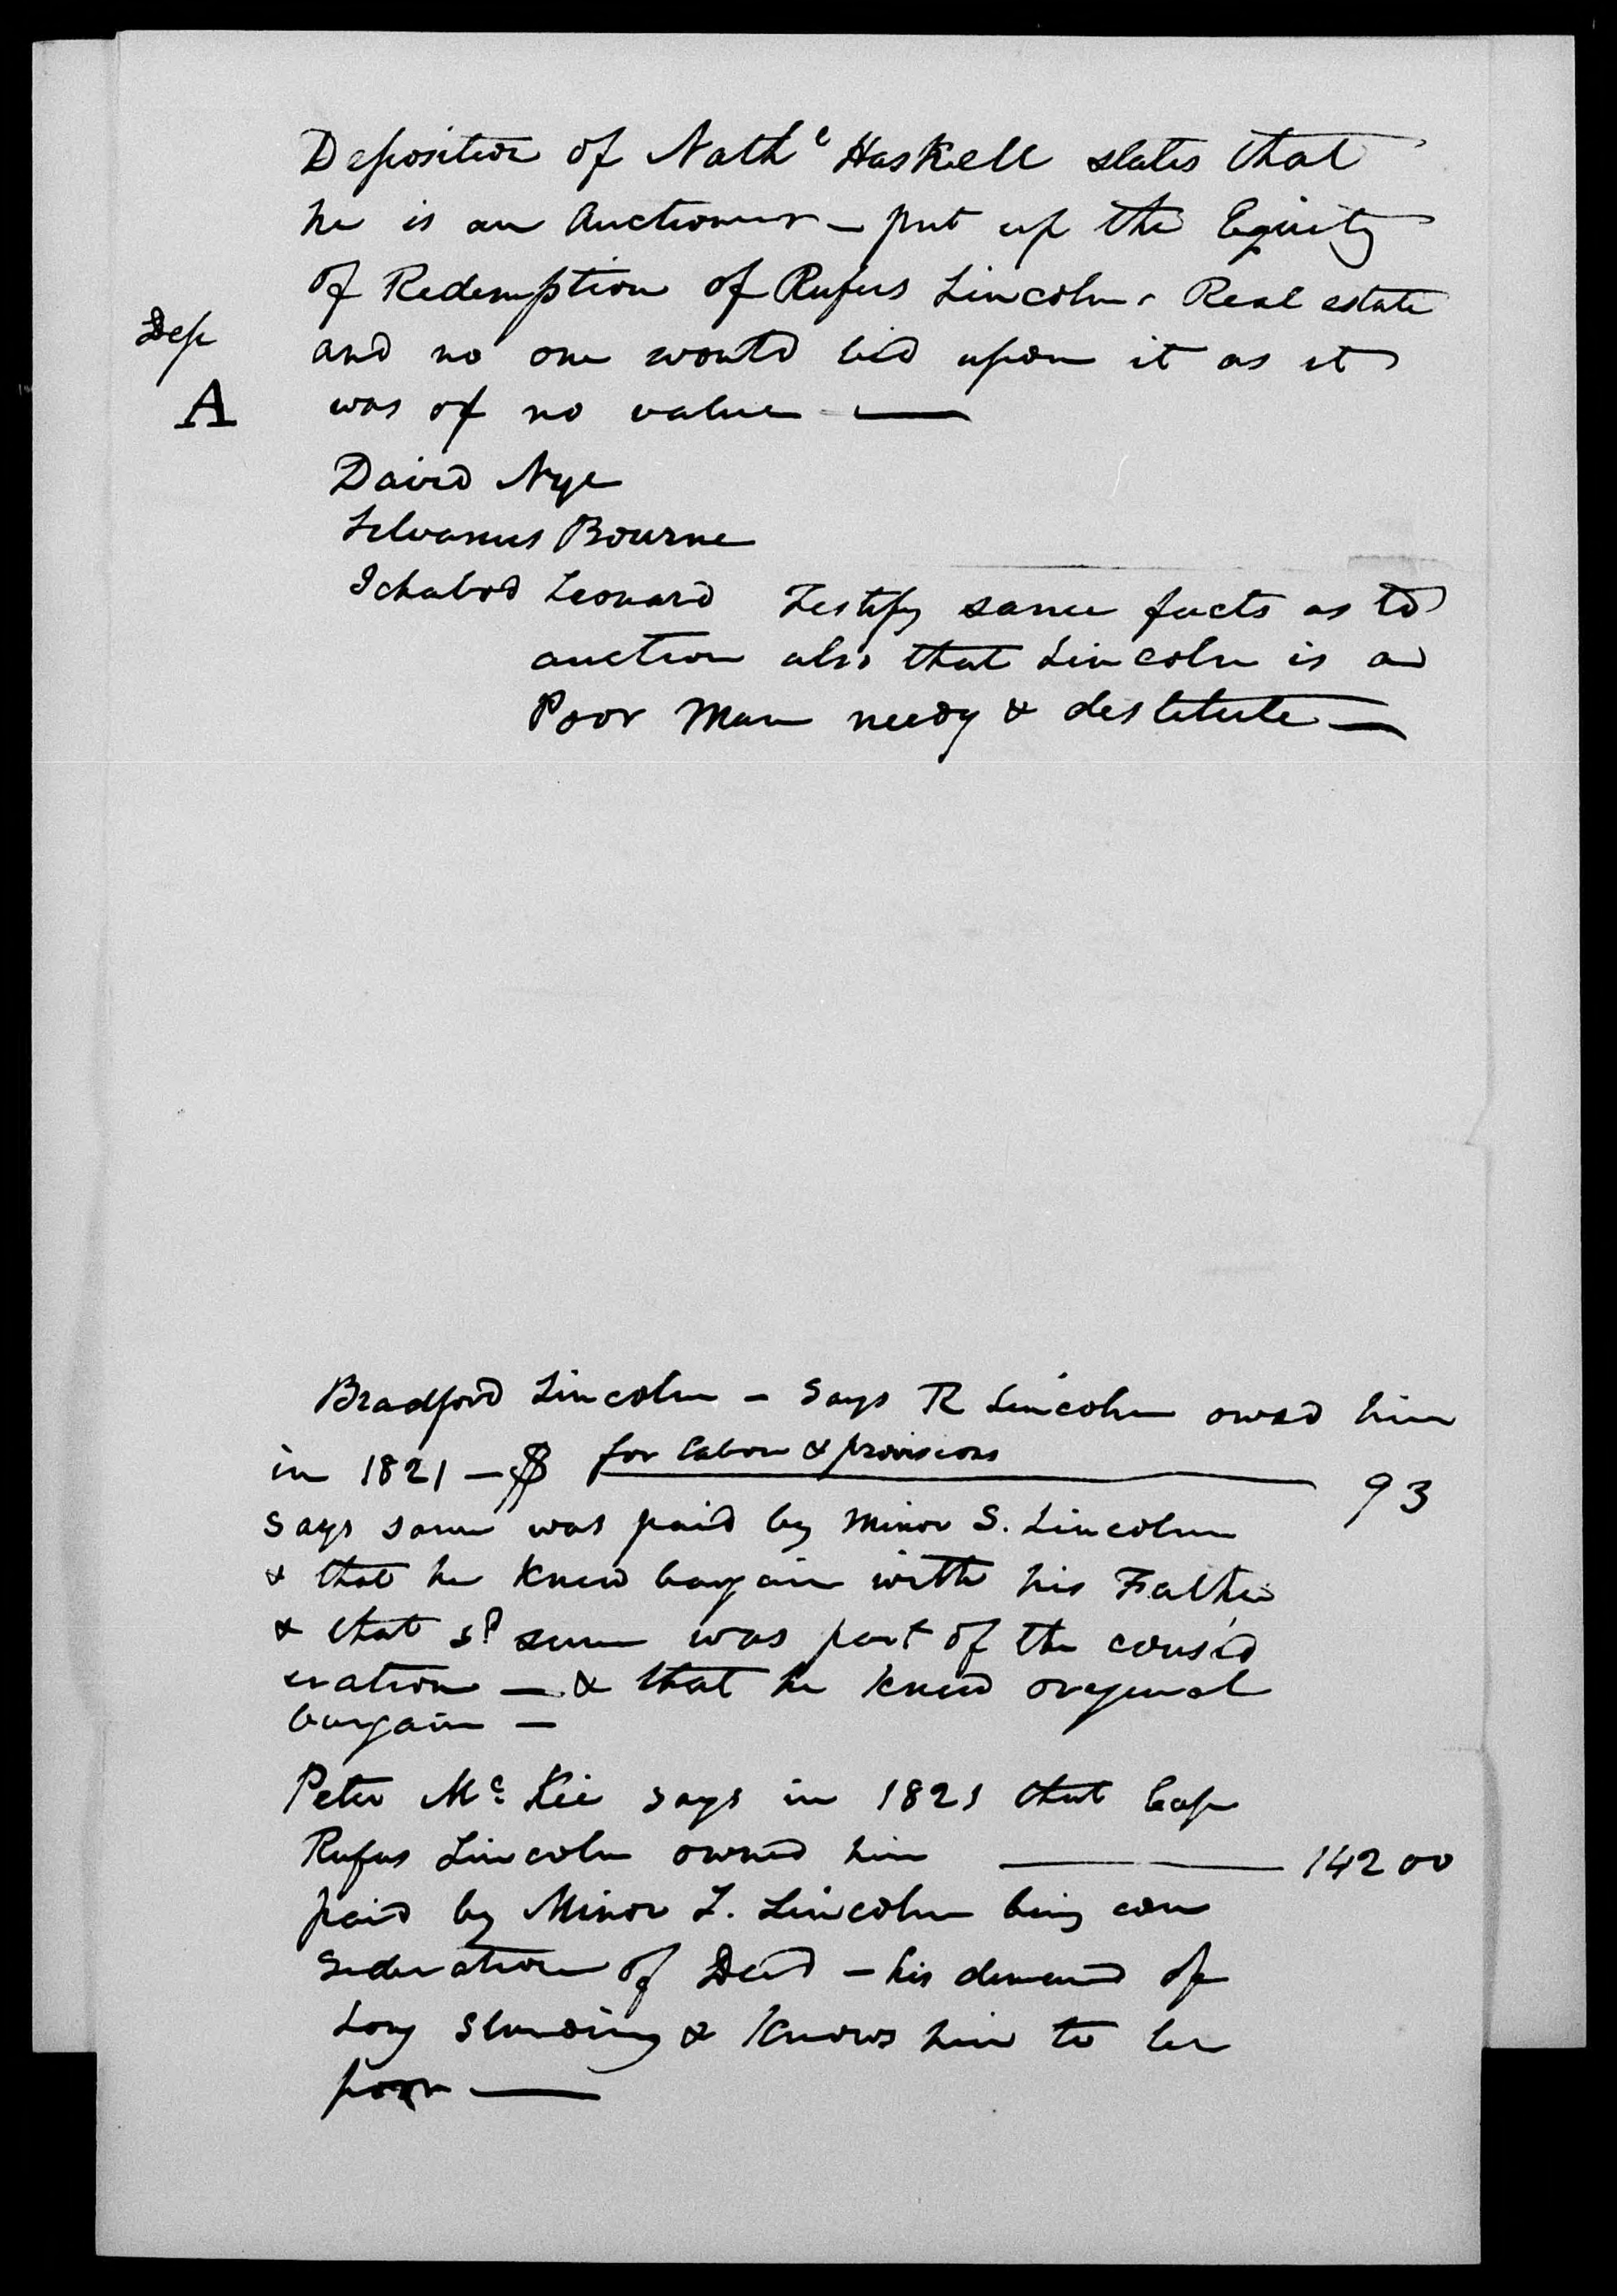Deposition of Nath'l Haskell states that
he is an Auctioneer - put up the Equity
of Redemption of Rufus Lincoln, Real estate
and no one would bid upon it as it was of no value
---
David Nye
Silvanus Bourne
Ichabod Leonard
Testify same facts as to auction also that Lincoln is an Poor Man needy & destitute-

Bradford Lincoln Says R Lincoln owed him
in 1821 _$93___ for labor & provisions 
Says same was paid by Minor S. Lincoln
& that he knew bargain with his Father
& that a sum was part of the consideration & that he knew original bargain -
Peter McKie says in 1821 that Capt Rufus Lincoln owned him_________142.00
paid by Minor L. Lincoln being consideration
of Deed - his demand of Long standing & knows him to be poor_____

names: Silvanus Bourne; Nathl Haskell; Bradford Lincoln; Minor S Lincoln; David Nye; Ichabod Leonard; Rufus Lincoln; Peter Mc Kie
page: 69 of 82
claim: widow's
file: W. 13,634, for Rufus Lincoln, Massachusetts